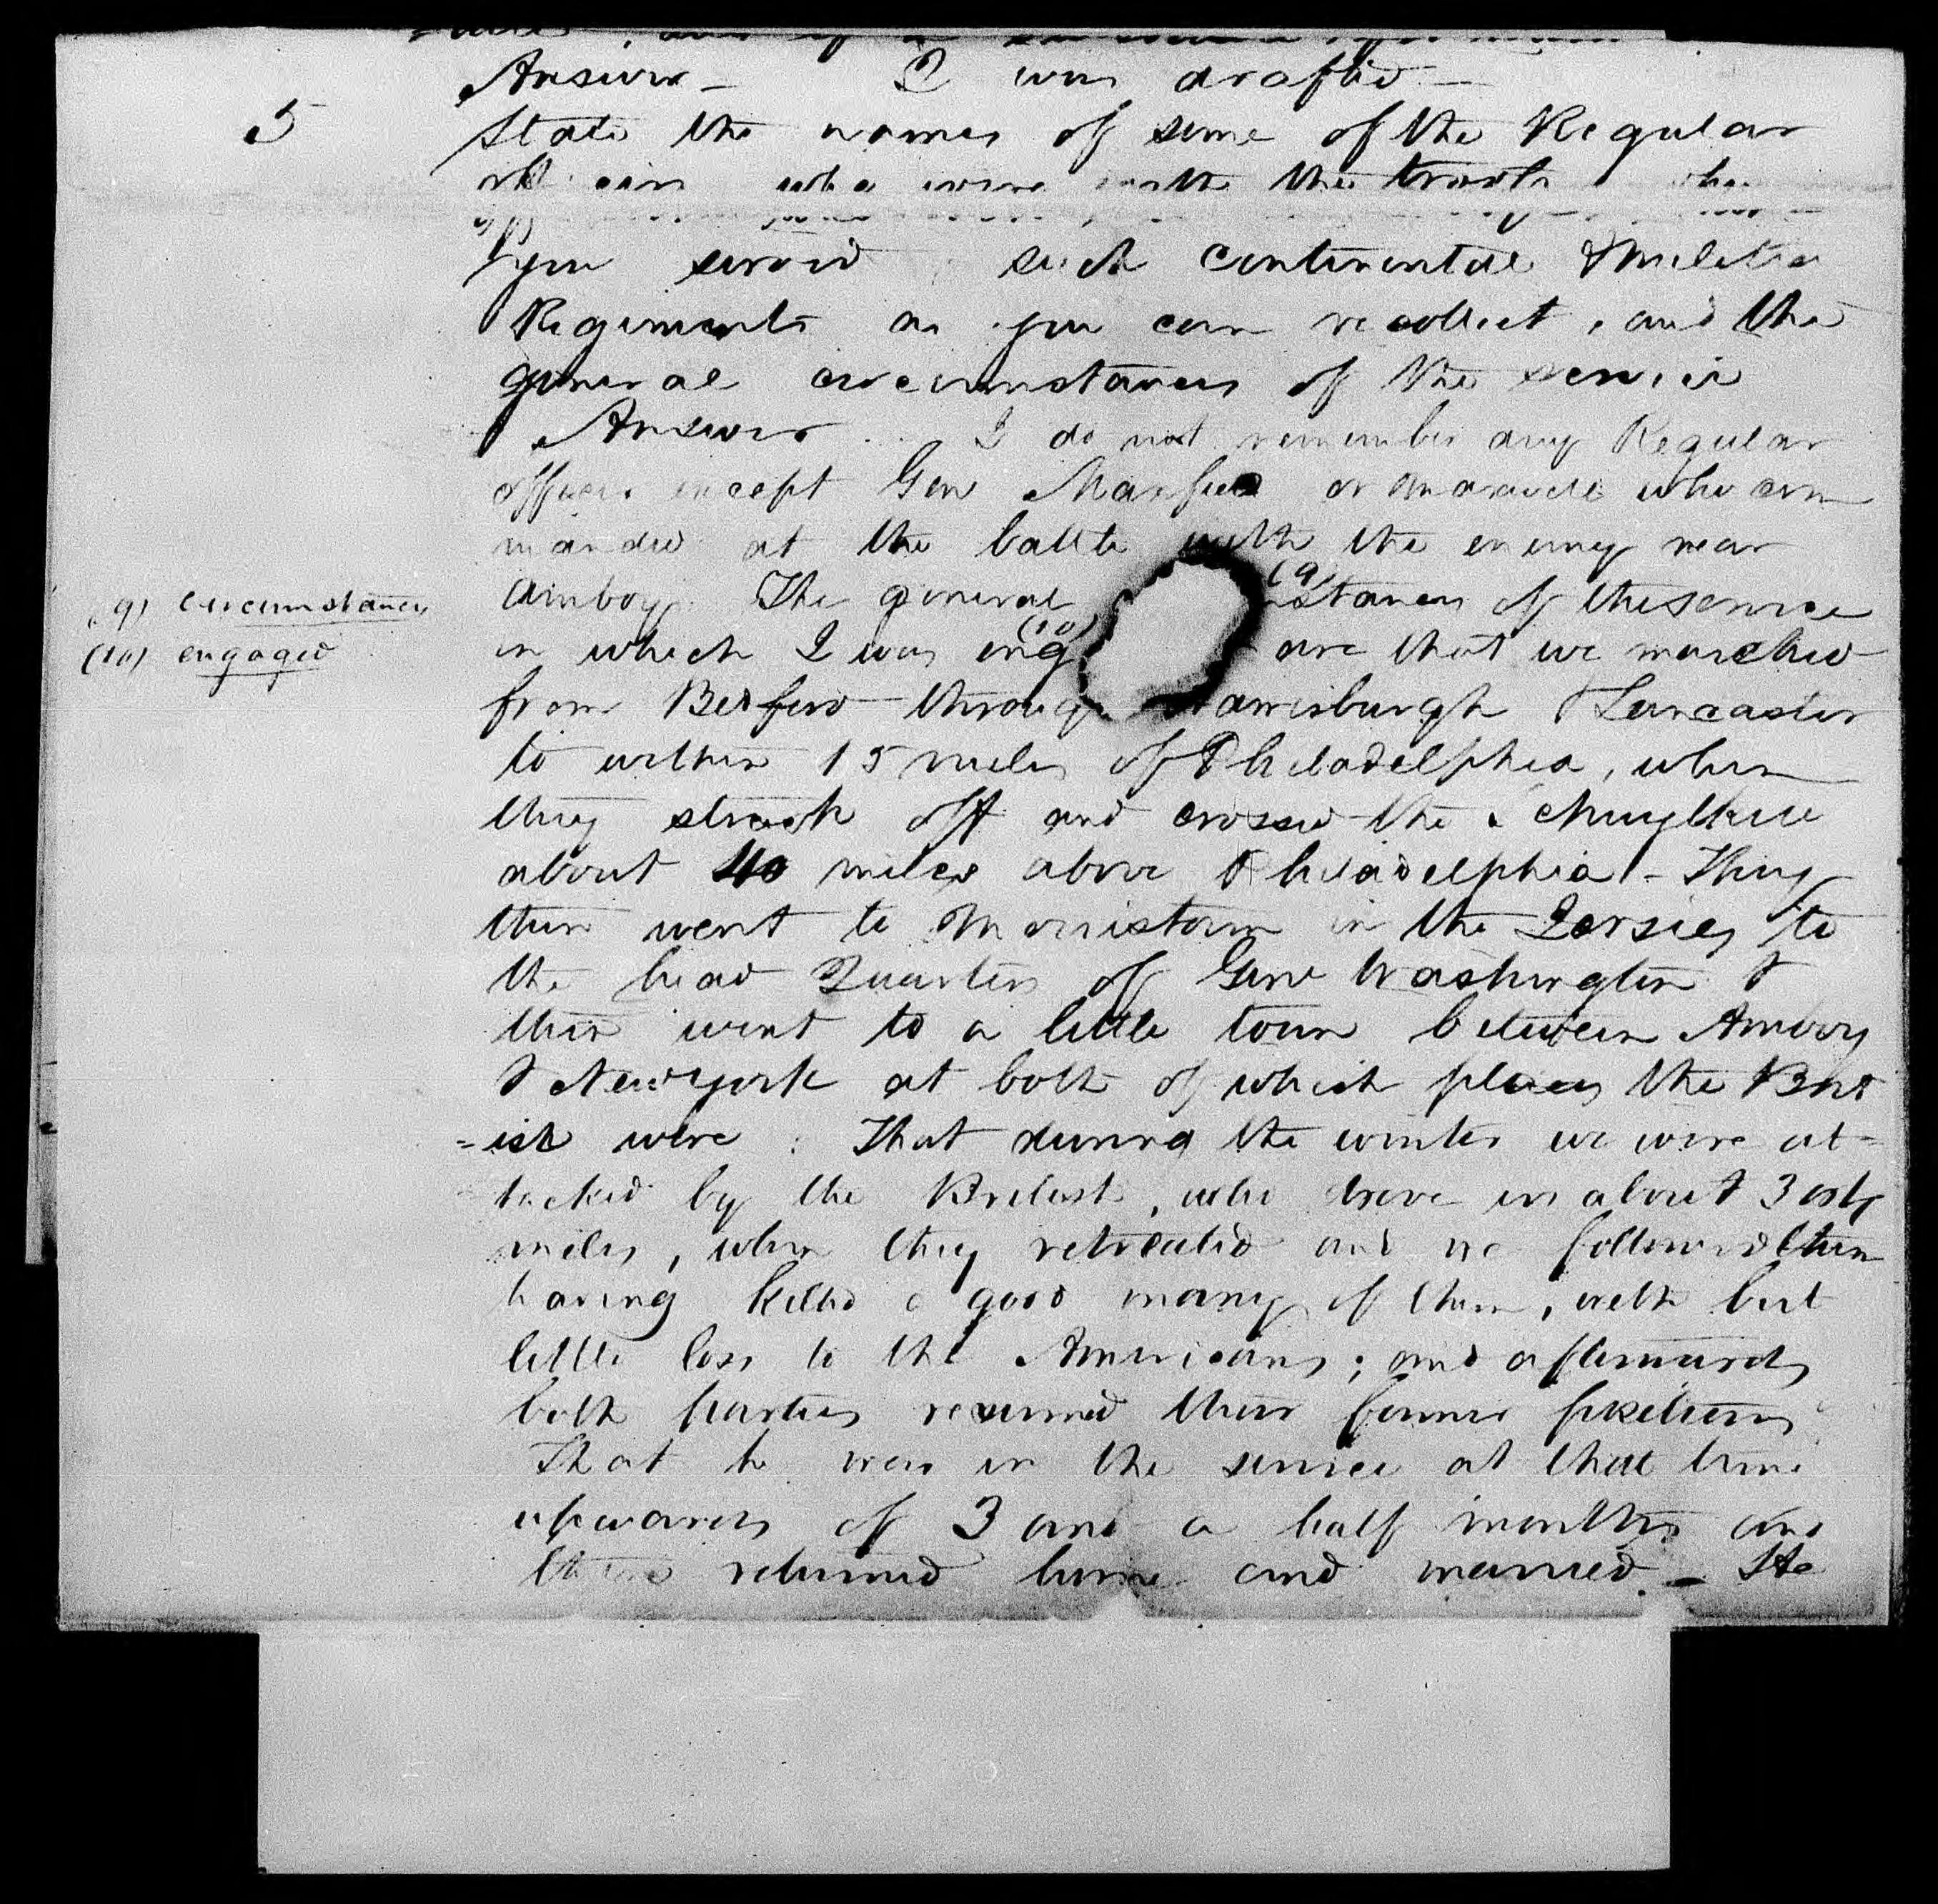Answered- I was drafted. -

5.  State the names of some of the Regular
officers who were with the troops when 
you served such continental & militia
Regiments as you can recollect, and the
general circumstances of the service
Answer - I do not remember any Regular
Officers except Gen Manfiel[illegible] or Maxwell [William Maxwell] who commanded at the battle with the enemy near Amboy [Perth Amboy NJ]. The general circumstances of the service in which I was engaged are that we marched from Bedford through Harrisburgh & Lancaster to within 15 miles of Philadelphia, where they struck off and crossed the Schuylkill [Delaware?] about 40 miles above Philadelphia. They then went to Morristown in the Jersies to the head Quarters of Gen Washington & then went to a little town between Amboy & New York at both of which places the British were; That during the winter we were attacked by the British, who were in about 3 or 4 miles, when they retreated and we followed them having killed a good many of them, with but little loss to the Americans [possibly the battle of Ash Swamp-Spanktown, 23 Feb 1777]; and afterwards both parties resumed their former positions; That he was in the service at that time upwards of 3 and a half months and then returned home and married _ He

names: [BLANK] Washington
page: 12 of 14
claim: rejected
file: R. 6005, for Jacob Klinginsmith, Pennsylvania